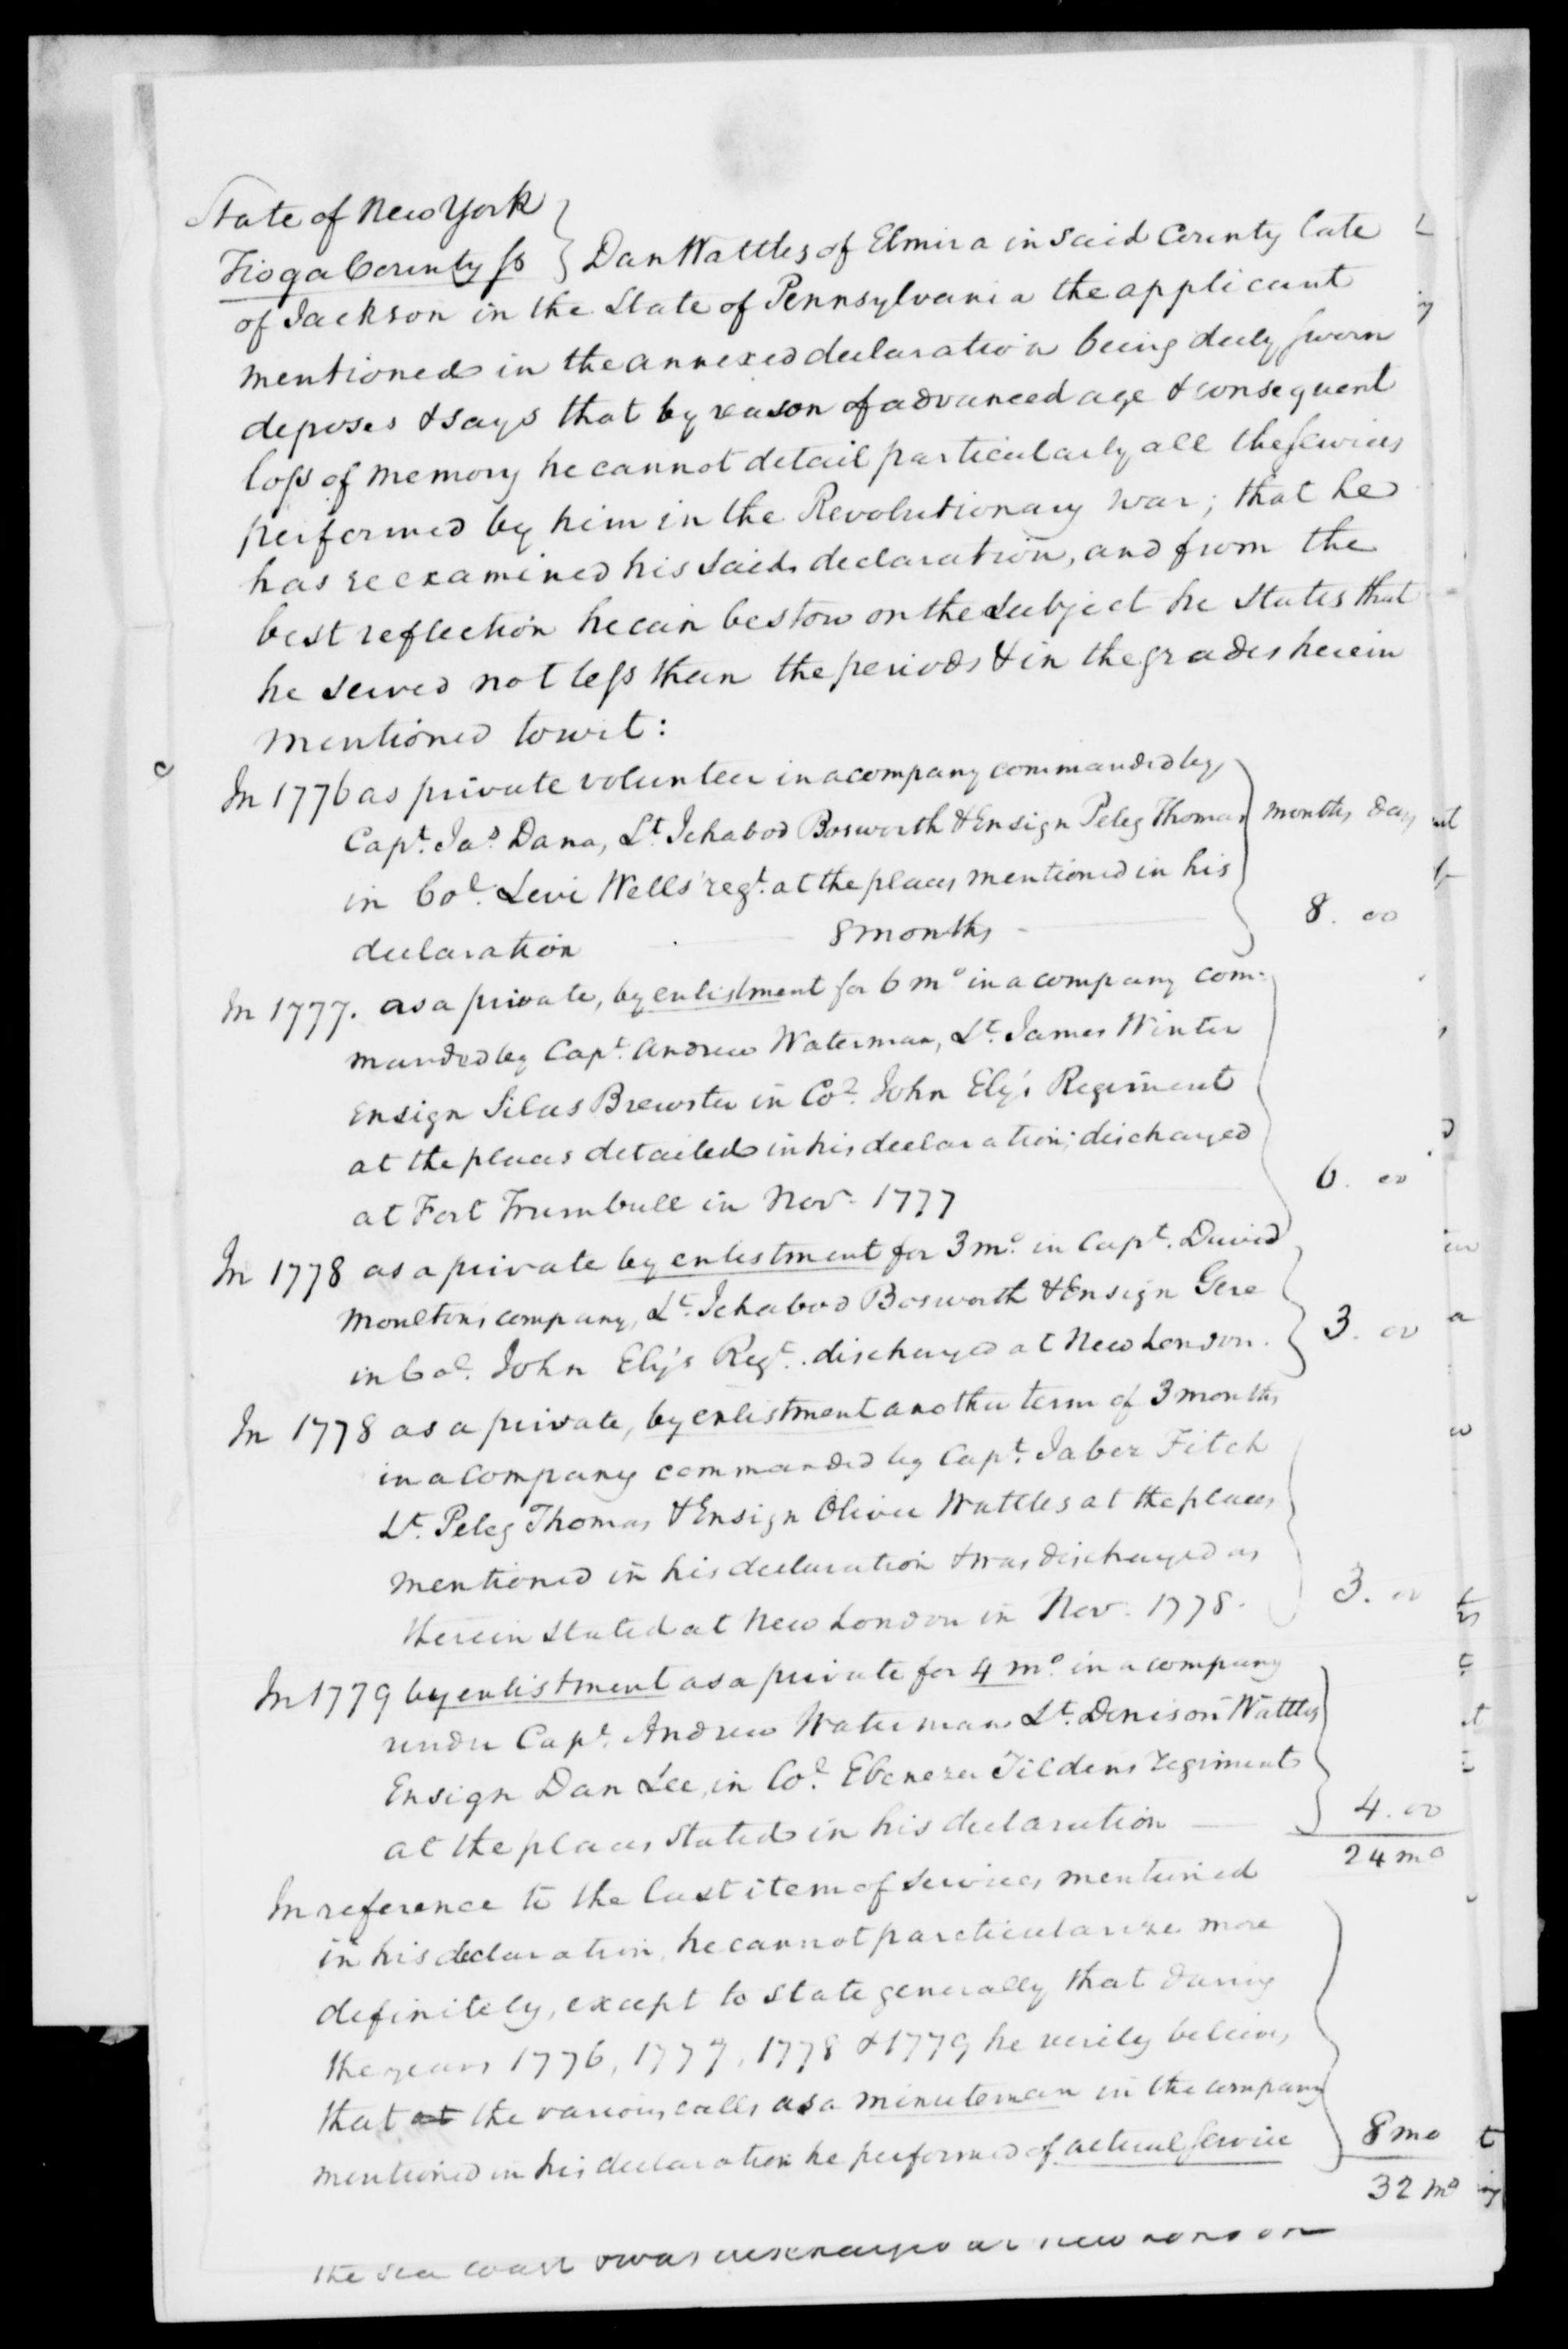State of New York }
Tioga County Ss } Dan Wattles of Elmira in said County of Jackson in the State of Pennsylvania the applicant mentioned in the annexed declaration being duly deposes & says that by reason of advanced age & consequent loss of memory he cannot detail particularly all the services performed by him in the Revolutionary war; that he has reexamined his said declaration, and from the best reflection he can bestow on the subject he states that he served not less than the periods & in the grades herein mentioned to wit:

In 1776 as private volunteer in a company commanded by Capt Jas Dana, Lt Ichabod Bosworth & Ensign Peleg Thomas in Col Levi Wells Regt at the places mentioned in his declaration 8 months } 8.00

In 1777, as a private, by enlistment for 6 mo in a company commanded by Capt Andrew Waterman & Lt James Winter Ensign Silas Brewster in Col. John Ely's Regiment at the places detailed in his declaration, discharged at Fort Trumbull in Nov. 1777 } 6.00

In 1778 as a private by enlistment for 3 mo in Capt David Moultons Company Lt Ichabod Bosworth & Ensign Gue in Col. John Ely's Regt discharged at New London } 3.00

In 1778 as a private, by enlistment another term of 3 months in a company commanded by Capt Jaber Fitch Lt Peleg Thomas & Ensign Oliver Wattles at the place, mentioned in his declaration & was discharged as therein stated at New London in Nov. 1778. } 3.00

In 1779 by enlistment as a private for 4 mo in a company under Capt Andrew Waterman & Lt Denison Wattles Ensign Dan Lee in Col Ebenezer Tildens Regiment at the places stated in his declaration 4.00
24 mo

In reference to the last item of services mentioned in his declaration he cannot particularize more definitely, except to state generally that during the years 1776, 1777, 1778 & 1779 he verily believes that the various calls as a minuteman in the company mentioned in his declaration he performed of actual service } 8 mo
32 mo

the sea coast & was discharged at New London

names: Dan Lee, Peleg Thomas, Andrew Waterman, James Winter, Jas Dana, Oliver Wattles, Gue, Silas Brewster, Ichabod Bosworth, Denison Wattles, Dan Wattles, Jabez Fitch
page: 18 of 70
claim: widow's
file: W. 3743, Dan Wattles, Conn.